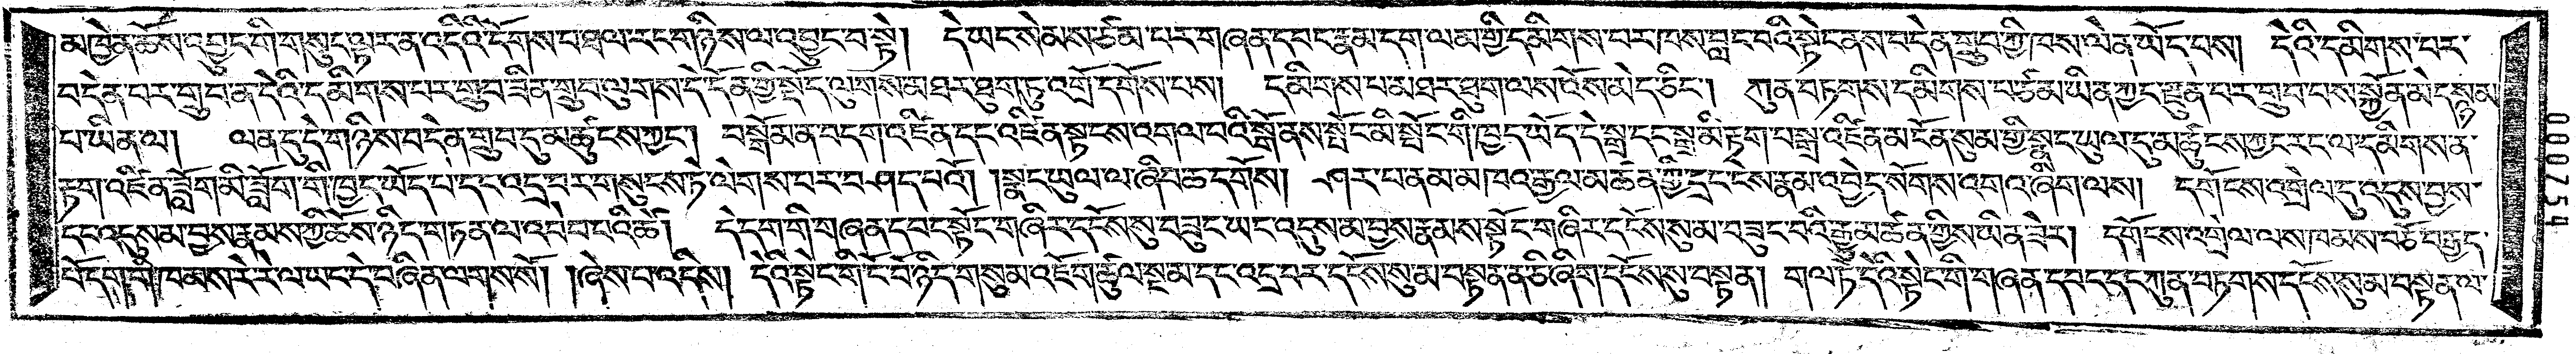མཁྱེན་ཆོས་འབྱུང་གི་གསུང་ལྟར་ན་འདིའི་དོགས་པ་ཐལ་རང་གཉིས་ལ་འབྱུང་བ་སྟེ། དེ་ཡང་སེམས་ཙམ་པར་གཞན་དབང་རྣམ་དག་ལམ་གྱི་དམིགས་པར་ཁས་བླང་བའི་སྟེང་ནས་བདེན་གྲུབ་ཀྱི་ཁས་ལེན་ཡོད་པས། དེའི་དམིགས་པར་
བདེན་པར་གྲུབ་ན་དེའི་དམིགས་པར་གྲུབ་ཟིན་གྲུབ་ལུགས་དེ་དོན་གྱི་སྡོད་ལུགས་མཐར་ཐུག་ཏུ་འགྲོ་དགོས་པས། དམིགས་པ་མཐར་ཐུག་ལས་འོས་མེད་ཅིང་། ཀུན་བཏགས་དམིགས་པ་ཙམ་ཡིན་ཀྱང་རྫུན་པར་གྲུབ་པས་སྐྱོན་མེད་སྙམ་
པ་ཡིན་ལ། ལན་དུ་དེ་གཉིས་བདེན་གྲུབ་ཏུ་མཚུངས་ཀྱང་། བསྒོམ་ན་བདག་འཛིན་དང་འཛིན་སྟངས་འགལ་བའི་སྒོ་ནས་སྤོང་མི་སྤོང་གི་ཁྱད་ཡོད་དེ་སྒྲ་དང་སྒྲ་མི་རྟག་པ་སྒྲ་འཛིན་མངོན་སུམ་གྱི་སྣང་ཡུལ་དུ་མཚུངས་ཀྱང་རང་ལ་དམིགས་ན་
རྟག་འཛིན་ཟློག་མི་ཟློག་གི་ཁྱད་ཡོད་པ་དང་འདྲ་བར་གསུངས་ཏེ་ལེགས་པར་བཤད་པའོ། །སྣང་ཡུལ་ལ་ཞིབ་ཆ་དགོས། ཤར་པ་ནམ་མཁའ་རྒྱལ་མཚན་གྱི་དྲང་ངེས་རྣམ་འབྱེད་སོགས་འགའ་ཞིག་ལས། དགོངས་འགྲེལ་དུ་འདུས་བྱས་
དང་འདུས་མ་བྱས་རྣམས་ཀྱི་ཆོས་ཉིད་གཏན་ལ་འབེབ་པའི་ཚེ། དེ་དག་གི་གཞན་དབང་སྟོང་གཞིར་དངོས་སུ་བཟུང་ཡང་འདུས་མ་བྱས་རྣམས་སྟོང་གཞིར་དངོས་སུ་མ་བཟུང་བའི་རྒྱུ་མཚན་གྱིས་ཡིན་ཟེར། དགོངས་འགྲེལ་ལས་ཁམས་བཅོ་བརྒྱད་
པོ་དག་གི་ཁམས་རེ་རེ་ལ་ཡང་དེ་བཞིན་ལགས་སོ། །ཞེས་པ་འདིས། དེའི་སྟེང་གི་ངོ་བོ་ཉིད་གསུམ་འཇོག་ཚུལ་སྔ་མ་དང་འདྲ་བར་དངོས་སུ་མ་བསྟན་ན་ཅི་ཞིག་དངོས་སུ་བསྟན། གལ་ཏེ་དེའི་སྟེང་གི་གཞན་དབང་དང་ཀུན་བཏགས་དངོས་སུ་མ་བསྟན་ལ་